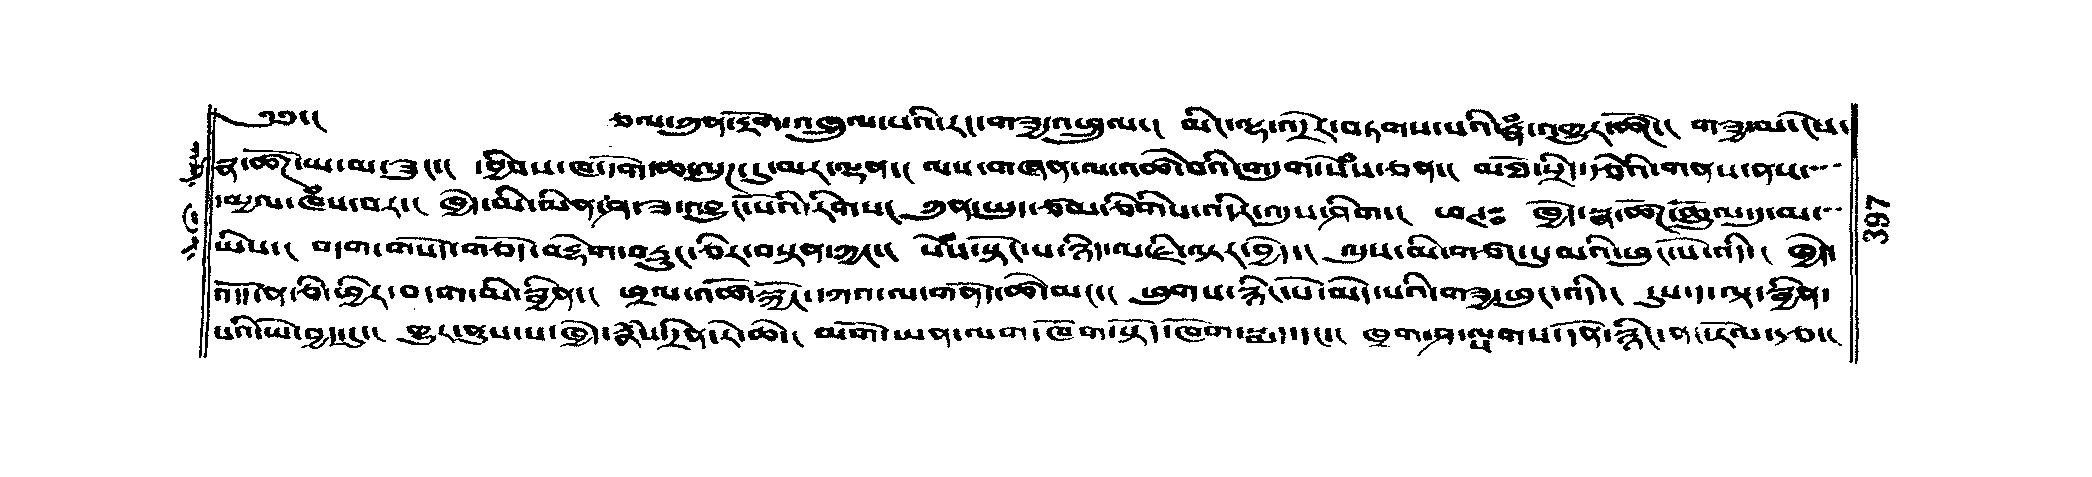རྩལ་ཀུན་རྟོག་འཁྲུལ་པའི་རང་གཟུགས་འཕྲུལ། །མིང་ལྷ་འདྲེར་བཏགས་པའི་རྣམ་འགྱུར་ཚོགས། །གཟུགས་མ་ངེས་
སྣ་ཚོགས་ཡ་མ་ཟུང་། །དབྱིབས་ཁ་དོག་ཆ་ལུགས་དུ་མར་ལྡན། །ལས་གཞན་ལ་འཚེ་བའི་གདུག་སེམས་ཅན། །མཐོ་སྲིད་རྩེའི་གནས་ནས་
དམྱལ་ཁམས་བར། །ཁྱེད་མི་མིན་ཤ་ཟ་འབྱུང་པོའི་རིགས། །ཀུན་ཡུད་ཙམ་ཅིག་གིས་འདིར་འདུས་ཤིག་།ཕཊཿ ཁྱེད་སྣ་ཚོགས་ཆོ་འཕྲུལ་དུ་མ་
ཡིས། །བདག་གསོད་གཅོད་བརྡེག་བརྡུང་ཅིར་བསྟན་ཀྱང་། །སེམས་སྟོང་པ་ཉིད་ལ་ཇི་ལྟར་བྱེད། །ལུས་མི་གཙང་དུ་མའི་ཕུང་པོ་འདི། །ཁྱེད་
འདོད་ན་ཅི་ཕྱིར་བདག་མི་སྦྱིན། །ཕྲལ་འཚོ་སྐྱོང་དཀའ་ལ་གནོད་འཚེ་མང་། །ཕུགས་སྙིང་པོ་མེད་པའི་གཟུགས་ཕུང་འདི། །དུས་ད་ལྟ་སྦྱིན་
པའི་ཡོ་བྱད་དུ། །གྱུར་ནུས་པ་ཁྱེད་རྣམས་དྲིན་རེ་ཆེ། །མགོ་་ཡན་ལག་ཁོག་སྟོང་ཁོག་སྨད་དང་། །ཁྲག་ཤ་ལྤགས་དོན་སྙིང་ནང་རོལ་རྩ། །